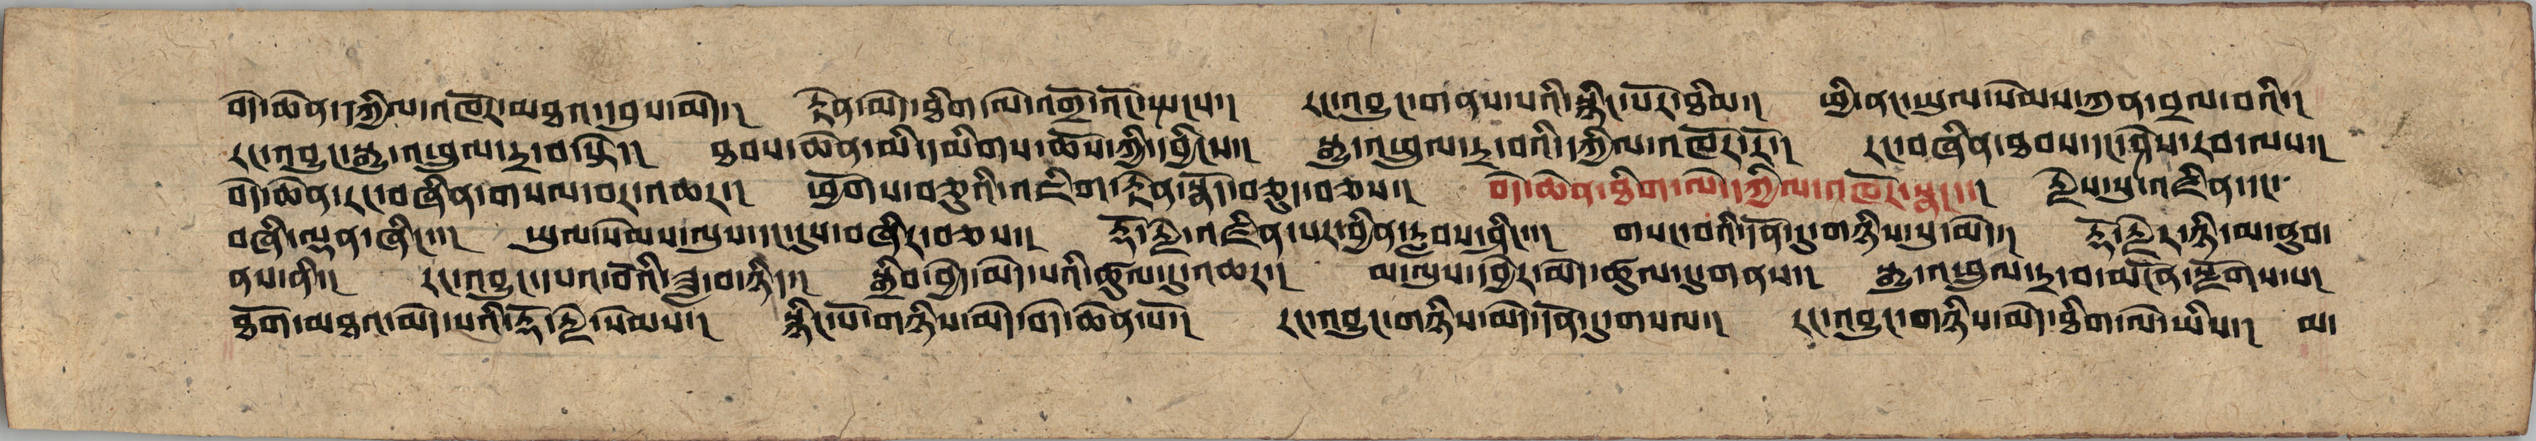བདེ་ཆེན་དཀྱིལ་འཁོར་མཐའ་དབུས་མེད་། རྟེན་མེད་ཐིག་ལེ་འགྲོ་འོང་སྤངས་། རང་འབྱུང་གནས་པའི་སྙིང་པོར་ཐིམ་། ཕྱི་ནང་ཡུལ་སེམས་ཀུན་བྲལ་བའི་།
རང་འབྱུང་སྒྱུ་འཕྲུལ་དྲ་བ་སྟེ་། ཐབས་ཆེན་མི་དམིགས་ཆོས་ཀྱི་དབྱིངས་། སྒྱུ་འཕྲུལ་དྲ་བའི་དཀྱིལ་འཁོར་རོ་། རང་བཞིན་ཐབས་དང་ཤེས་རབ་ལས་།
བདེ་ཆེན་རང་བཞིན་གསལ་བར་འཆར་། ཕྱོགས་བཅུའི་འཇིག་རྟེན་སྣོད་བཅུད་བཅས་། བདེ་ཆེན་ཐིག་ལེ་དཀྱིལ་འཁོར་སྣང་་། རྗེས་སུ་འཛིན་དང་
བཞི་ལྡན་ཞིང་་། ཡུལ་སེམས་ལུས་དང་དུས་བཞིར་བཅས་། རྡོ་རྗེ་འཛིན་པར་བྱིན་རླབས་ཤིང་་། གསང་བའི་དོན་དུ་གཉིས་སུ་མེད་། རྡོ་རྗེར་ཉི་མ་ནུབ་
ནས་ནི་། རང་འབྱུང་དཔའ་བོའི་ཟླ་བ་ཉིད་། སྒྲིབ་བྱེད་མེད་པའི་ཚུལ་དུ་འཆར་། མ་ལུས་དབྱེར་མེད་ཚུལ་དུ་གནས་། སྒྱུ་འཕྲུལ་དྲ་བ་མངོན་སྫོགས་པ།
ཐོག་མཐའ་མེད་པའི་རྡོ་རྗེ་སེམས་། སྙིང་པོ་གཉིས་མེད་བདེ་ཆེན་པོ་། རང་འབྱུང་གཉིས་མེད་དོན་དུ་གསལ་། རང་འབྱུང་གཉིས་མེད་ཐིག་ལེ་ཡིས་། མ་